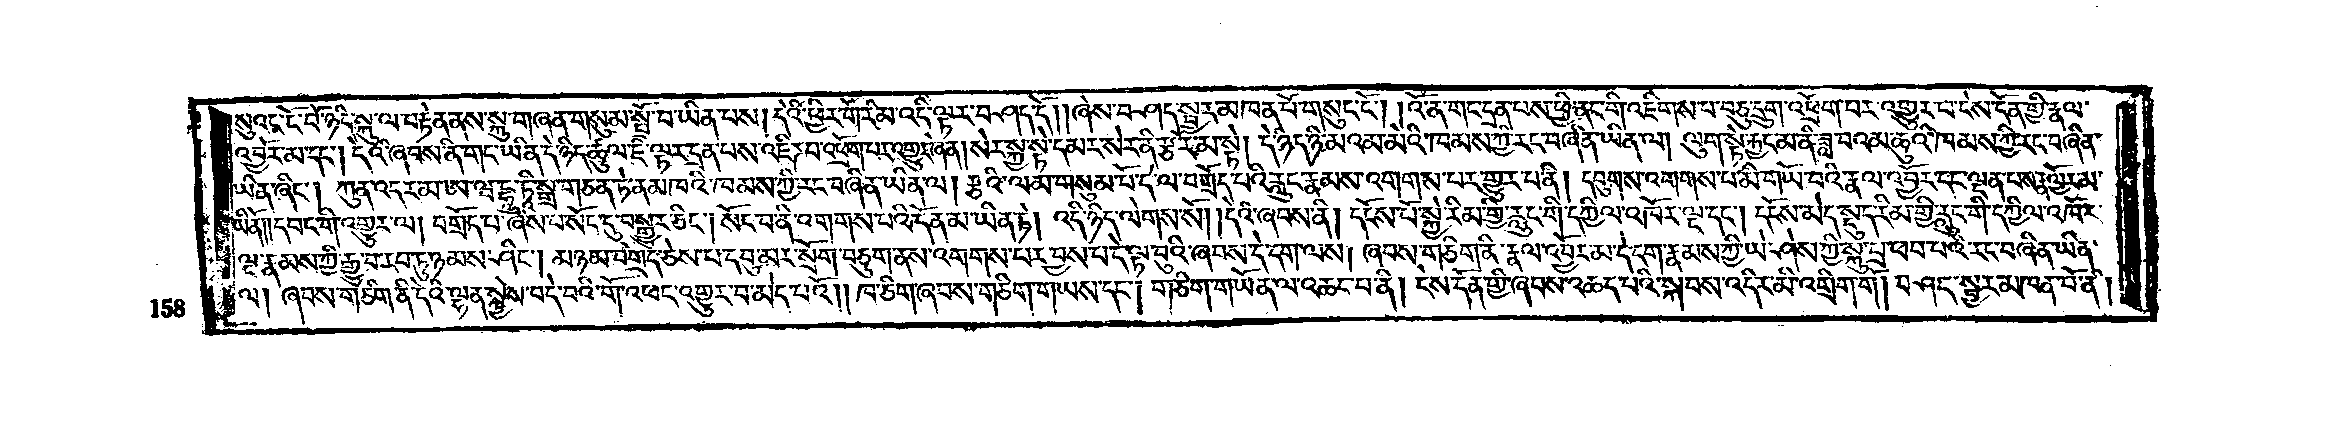སུའང་ངོ་བོ་ཉིད་སྐུ་ལ་བརྟེན་ནས་སྐུ་གཞན་གསུམ་སྤྲོ་བ་ཡིན་པས། དེའི་ཕྱིར་གོ་རིམ་འདི་ལྟར་བཤད་དོ། །ཞེས་བཤད་སྦྱར་མཁན་པོ་གསུང་ངོ། །འོ་ན་གང་དྲན་པས་ཕྱི་ནང་གི་འཇིགས་པ་བཅུ་དྲུག་འཕྲོག་པར་འགྱུར་བ་ངེས་དོན་གྱི་རྣལ་
འབྱོར་མ་དང་། དེའི་ཞབས་ནི་གང་ཡིན་དེ་ཉིད་ཚུལ་ཇི་ལྟར་དྲན་པས་འཇིགས་པ་འཕྲོག་པར་འགྱུར་ཞེ་ན། སེར་སྐྱ་སྟེ་དམར་སེར་ནི་རྩ་རོ་མ་སྟེ། དེ་ཉིད་ཉི་མའམ་མེའི་ཁམས་ཀྱི་རང་བཞིན་ཡིན་ལ། ལུག་སྟེ་རྐྱང་མ་ནི་ཟླ་བའམ་ཆུའི་ཁམས་ཀྱི་རང་བཞིན་
ཡིན་ཞིང་། ཀུན་འདར་མ་ཨ་ཝ་དྷཱུ་ཏཱི་སྒྲ་གཅན་ཏེ་ནམ་མཁའི་ཁམས་ཀྱི་རང་བཞིན་ཡིན་ལ། རྩའི་ལམ་གསུམ་པོ་དེ་ལ་བགྲོད་པའི་རླུང་རྣམས་འགགས་པར་གྱུར་པ་ནི། དབུགས་འགགས་པ་མི་གཡོ་བའི་རྣལ་འབྱོར་དང་ལྡན་པས་རྣལ་འབྱོར་མ་
ཡིན་ནོ། །དབང་གི་འགྱུར་ལ། བགྲོད་པ་ཞེས་པ་སོང་དུ་བསྒྱུར་ཅིང་། སོང་བ་ནི་འགགས་པའི་དོན་མ་ཡིན་ཏེ། འདི་ཉིད་ལེགས་སོ། །དེའི་ཞབས་ནི། དངོས་པོ་སྐྱེ་རིམ་གྱི་རླུང་གི་དཀྱིལ་འཁོར་ལྔ་དང་། དངོས་མེད་སྡུད་རིམ་གྱི་རླུང་གི་དཀྱིལ་འཁོར་
ལྔ་རྣམས་ཀྱི་རྒྱུ་བ་རབ་ཏུ་ཉམས་ཤིང་། མཉམ་བགྲོད་ཅེས་པ་དབུ་མར་སྲོག་བཅུག་ནས་འགགས་པར་བྱས་པ་དེ་ལྟ་བུའི་ཞབས་དེ་དག་ལས། ཞབས་གཅིག་ནི་རྣལ་འབྱོར་མ་དེ་དག་རྣམས་ཀྱི་ཡེ་ཤེས་ཀྱི་སྐུ་པྲ་ཕབ་པའི་རང་བཞིན་ཡིན་
ལ། ཞབས་གཅིག་ནི་དེའི་ལྷན་སྐྱེས་བདེ་བའི་གོ་འཕང་འགྱུར་བ་མེད་པའོ། །ཁ་ཅིག་ཞབས་གཅིག་གཡས་དང་། གཅིག་གཡོན་ལ་འཆད་པ་ནི། ངེས་དོན་གྱི་ཞབས་འཆད་པའི་སྐབས་འདིར་མི་འགྲིག་གོ །བཤད་སྦྱར་མཁན་པོ་ནི།